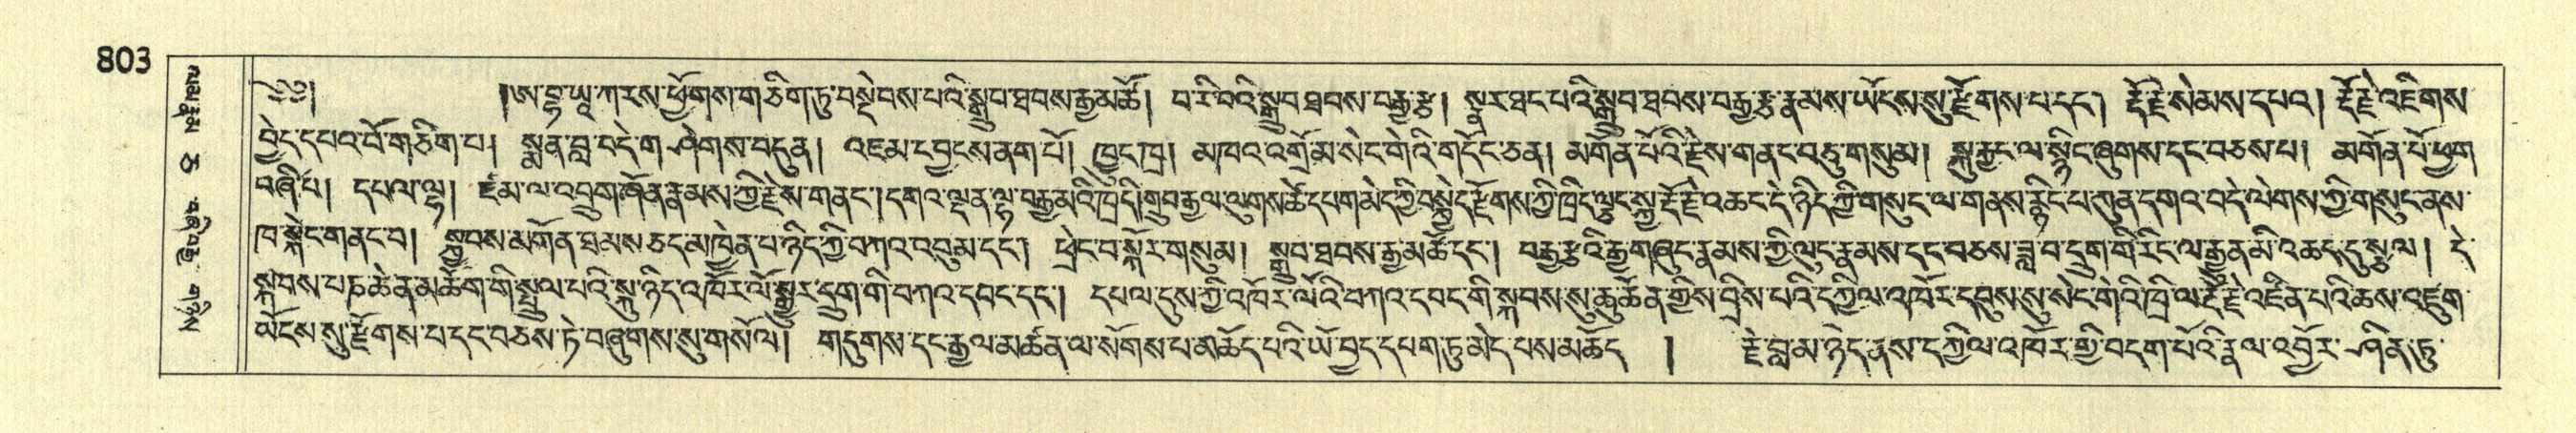༄༅། །ཨ་བྷ་ཡཱ་ཀ་རས་ཕྱོགས་གཅིག་ཏུ་བསྡེབས་པའི་སྒྲུབ་ཐབས་རྒྱ་མཚོ། བ་རི་བའི་སྒྲུབ་ཐབས་བརྒྱ་རྩ། སྣར་ཐང་པའི་སྒྲུབ་ཐབས་བརྒྱ་རྩ་རྣམས་ཡོངས་སུ་རྫོགས་པ་དང་། རྡོ་རྗེ་སེམས་དཔའ། རྡོ་རྗེ་འཇིགས་
བྱེད་དཔའ་བོ་གཅིག་པ། སྨན་བླ་བདེ་གཤེགས་བདུན། འཇམ་དབྱངས་ནག་པོ། ཁྱུང་ཁྲ། མཁའ་འགྲོ་མ་སེང་གེའི་གདོང་ཅན། མགོན་པོའི་རྗེས་གནང་བཅུ་གསུམ། སྐུ་རྐྱང་ལ་སྙིང་ཞུགས་དང་བཅས་པ། མགོན་པོ་ཕྱག་
བཞི་པ། དཔལ་ལྷ། ཛམ་ལ་འབྲུག་ཞོན་རྣམས་ཀྱི་རྗེས་གནང་། དགའ་ལྡན་ལྷ་བརྒྱ་མའི་ཁྲིད། གྲུབ་རྒྱལ་ལུགས་ཚེ་དཔག་མེད་ཀྱི་བསྐྱེད་རྫོགས་ཀྱི་ཁྲིད་ལྕང་སྐྱ་རྡོ་རྗེ་འཆང་དེ་ཉིད་ཀྱི་གསུང་ལ་གནས་རྙིང་པ་ཀུན་དགའ་བདེ་ལེགས་ཀྱི་གསུང་ནས་
ཁ་སྐེང་གནང་བ། སྐྱབས་མགོན་ཐམས་ཅད་མཁྱེན་པ་ཉིད་ཀྱི་བཀའ་འབུམ་དང་། ཕྲེང་བ་སྐོར་གསུམ། སྒྲུབ་ཐབས་རྒྱ་མཚོ་དང་། བརྒྱ་རྩའི་རྒྱ་གཞུང་རྣམས་ཀྱི་ལུང་རྣམས་དང་བཅས་ཟླ་བ་དྲུག་གི་རིང་ལ་རྒྱུན་མི་འཆད་དུ་སྩལ། དེ་
སྐབས་པཎ་ཆེན་མཆོག་གི་སྤྲུལ་པའི་སྐུ་ཉིད་འཁོར་ལོ་སྒྱུར་དྲུག་གི་བཀའ་དབང་དང་། དཔལ་དུས་ཀྱི་འཁོར་ལོའི་བཀའ་དབང་གི་སྐབས་སུ་ཆུ་ཆོན་གྱིས་བྲིས་པའི་དཀྱིལ་འཁོར་དབུས་སུ་སེང་གེའི་ཁྲི་ལ་རྡོ་རྗེ་འཛིན་པའི་ཆས་འཇུག་
ཡོངས་སུ་རྫོགས་པ་དང་བཅས་ཏེ་བཞུགས་སུ་གསོལ། གདུགས་དང་རྒྱལ་མཚན་ལ་སོགས་པ་མཆོད་པའི་ཡོ་བྱད་དཔག་ཏུ་མེད་པས་མཆོད། རྗེ་བླ་མ་ཉེད་ནས་དཀྱིལ་འཁོར་གྱི་བདག་པོའི་རྣལ་འབྱོར་ཤིན་ཏུ་